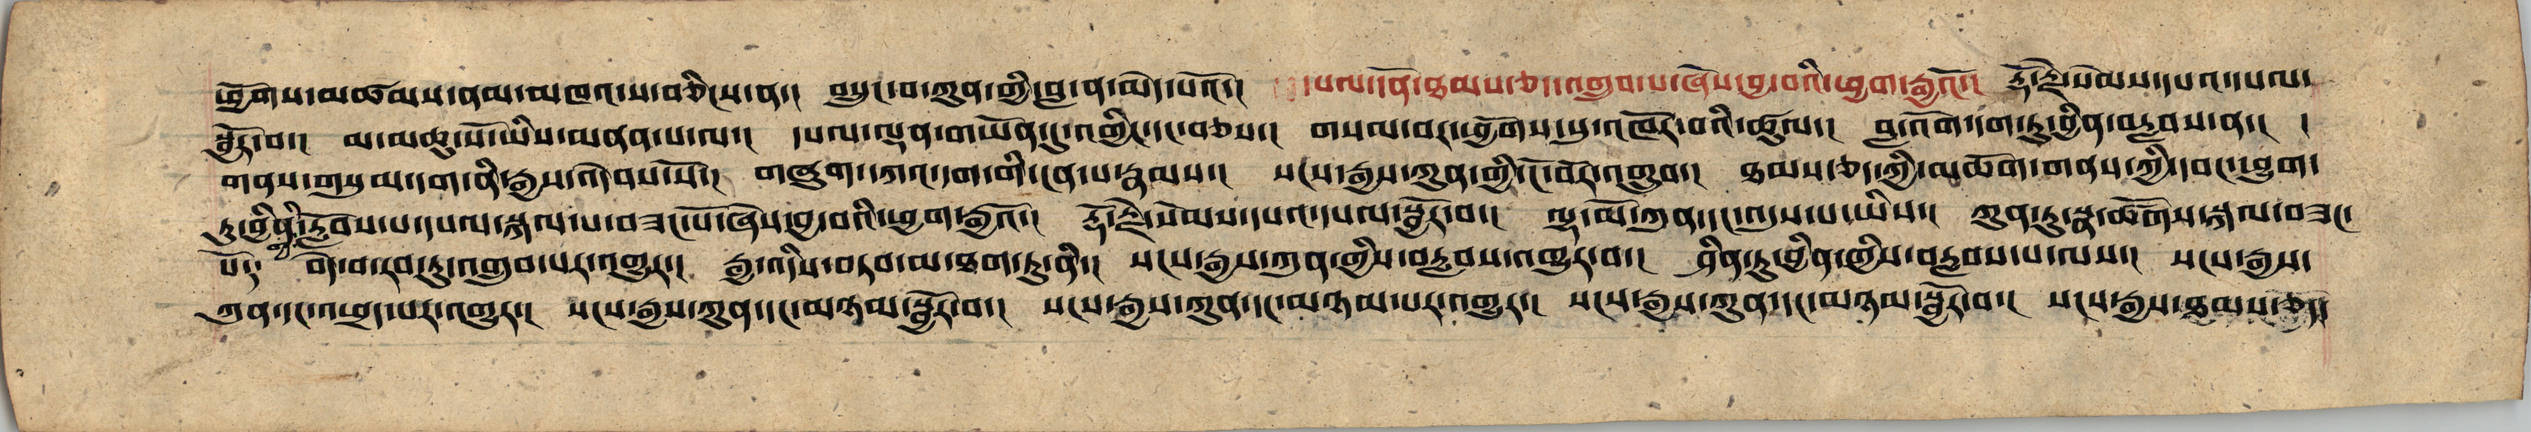ཕྱོགས་མཚམས་ནམ་མཁའ་ས་བཅིངས་ན་། བསྲུང་བ་ཀུན་གྱི་བླ་ན་མེད་པའོ་། དཔལ་དོན་ཐམས་ཅད་འགྲུབ་པ་ཞེས་བྱ་བའི་ཕྱག་རྒྱའོ་། རྡོ་རྗེ་སེམས་དཔའ་དཔལ་
སྦྱོར་བ་། མ་མཆུ་སོ་ཡིས་མནན་པ་ལ་། དཔལ་ལྡན་གཡོན་དུ་འགྱིང་དང་བཅས་། གསལ་བར་ཕྱོགས་སུ་འཁོར་བའི་ཚུལ་། བླ་འོག་དག་ཏུ་བྱིན་བརླབས་ན་།
གནས་གསུམ་དག་ནི་རྒྱས་འདེབས་སོ་། གཞུག་དཀའ་དག་གི་ངན་པ་རྣམས་། སངས་རྒྱས་ཀུན་གྱི་ངོ་བོར་འགྲུབ་། ཐམས་ཅད་ཀྱི་མཆོག་གནས་ཀྱི་དབང་ཕྱུག་
ཏུ་བྱིན་གྱིས་རློབས་པ་དཔལ་སྐལ་པ་བཟང་པོ་ཞེས་བྱ་བའི་ཕྱག་རྒྱའོ་། རྡོ་རྗེ་སེམས་དཔའ་དཔལ་སྦྱོར་བ་། ལྷ་མོ་ཀུན་དང་འདུས་པ་ཡིས་། ཀུན་ཏུ་སྣ་ཚོགས་སྐལ་བཟང་
པོ༑ བདེ་བ་རབ་ཏུ་འགྲུབ་པར་འགྱུར་། རྒྱ་འདིས་བཏབ་མ་ཐག་ཏུ་ནི་། སངས་རྒྱས་ཀུན་གྱིས་བརླབས་འགྱུར་བ་། ཤིན་ཏུ་བྱིན་གྱིས་བརླབས་པ་ལས་། སངས་རྒྱས་
ཀུན་དང་འཕྲད་པར་འགྱུར་། སངས་རྒྱས་ཀུན་དང་མཉམ་སྦྱོར་བ་། སངས་རྒྱས་ཀུན་དང་མཉམ་པར་འགྱུར་། སངས་རྒྱས་ཀུན་དང་མཉམ་སྦྱོར་བ་། སངས་རྒྱས་ཐམས་ཅད་